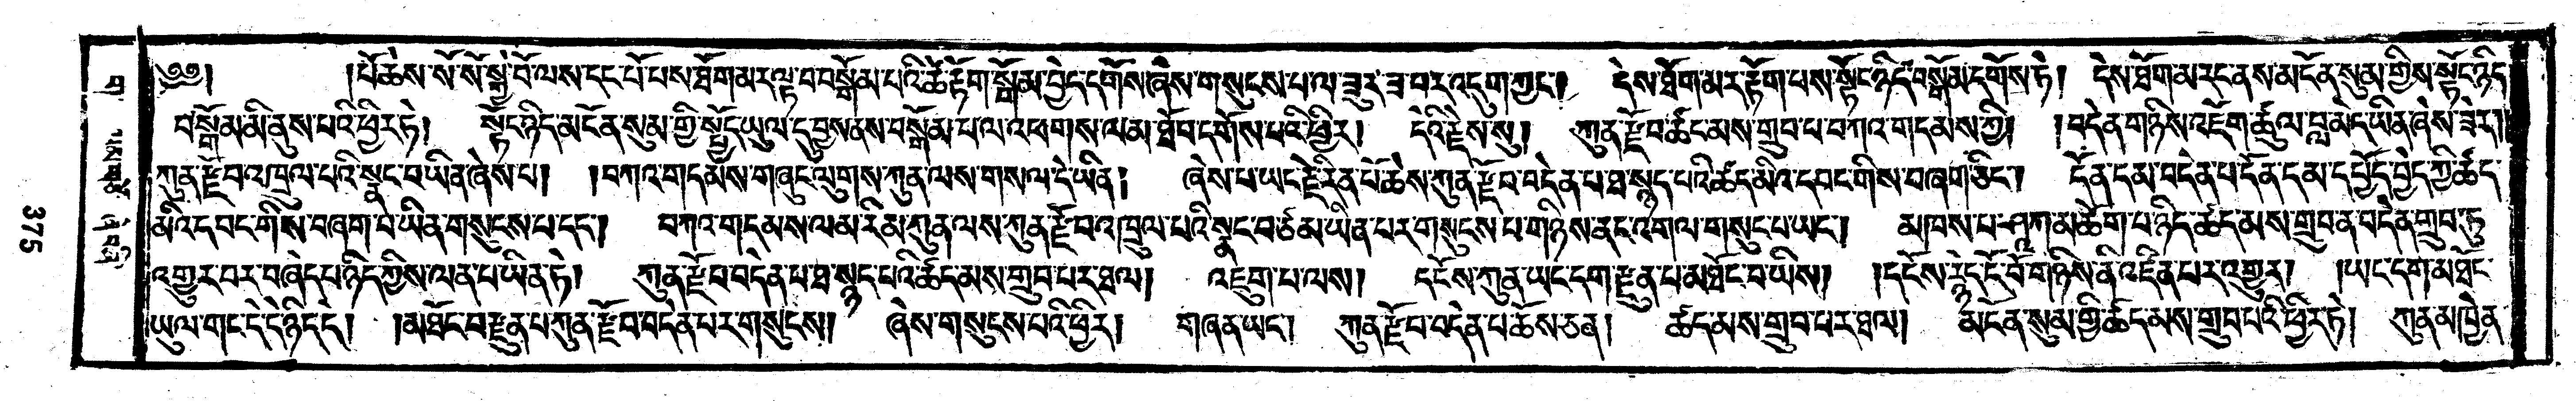༄༅། །པོ་ཆེས་སོ་སོ་སྐྱེ་བོ་ལས་དང་པོ་པས་ཐོག་མར་ལྟ་བ་བསྒོམ་པའི་ཚེ་རྟོག་སྒོམ་བྱེད་དགོས་ཞེས་གསུངས་པ་ལ་ཟུར་ཟ་བར་འདུག་ཀྱང་། དེས་ཐོག་མར་རྟོག་པས་སྟོང་ཉིད་བསྒོམ་དགོས་ཏེ། དེས་ཐོག་མ་རང་ནས་མངོན་སུམ་གྱིས་སྟོན་གཉིད་
བསྒོམ་མི་ནུས་པའི་ཕྱིར་ཏེ། སྟོང་ཉིད་མངོན་སུམ་གྱི་སྤྱོད་ཡུལ་དུ་བྱས་ནས་བསྒོམ་པ་ལ་འཕགས་ལམ་ཐོབ་དགོས་པའི་ཕྱིར། དེའི་རྗེས་སུ། ཀུན་རྫོབ་ཚང་མས་གྲུབ་པ་བཀའ་གདམས་ཀྱི། །བདེན་གཉིས་འཇོག་ཚུལ་བླ་མེད་ཡིན་ཞེས་ཟེར།།
ཀུན་རྫོབ་འཁྲུལ་པའི་སྣང་བ་ཡིན་ཞེས་པ། །བཀའ་གདམས་གཞུང་ལུགས་ཀུན་ལས་གསལ་དེ་ཡིན། ཞེས་པ་ཡང་རྗེ་རིན་པོ་ཆེས་ཀུན་རྫོབ་བདེན་པ་ཐ་སྙད་པའི་ཚད་མའི་དབང་གིས་བཞག་ཅིང་། དོན་དམ་བདེན་པ་དོན་དམ་དཔྱོད་བྱེད་ཀྱི་ཚད་
མའི་དབང་གིས་བཞག་པ་ཡིན་གསུངས་པ་དང་། བཀའ་གདམས་ལམ་རིམ་ཀུན་ལས་ཀུན་རྫོབ་འཁྲུལ་པའི་སྣང་བ་ཙམ་ཡིན་པར་གསུངས་པ་གཉིས་ནང་འགལ་གསུང་པ་ཡང་། མཁས་པ་ཤཱཀ་མཆོག་པ་ཉིད་ཚད་མས་གྲུབ་ན་བདེན་གྲུབ་ཏུ་
འགྱུར་བར་བཞེད་པ་ཉིད་ཀྱིས་ལན་པ་ཡིན་ཏེ། ཀུན་རྫོབ་བདེན་པ་ཐ་སྙད་པའི་ཚད་མས་གྲུབ་པར་ཐལ། འཇུག་པ་ལས། དངོས་ཀུན་ཡང་དག་རྫུན་པ་མཐོང་བ་ཡིས། །དངོས་རྙེད་ངོ་བོ་གཉིས་ནི་འཛིན་པར་འགྱུར། །ཡང་དག་མཐོང་
ཡུལ་གང་དེ་དེ་ཉིད་དེ། །མཐོང་བརྫུན་པ་ཀུན་རྫོབ་བདེན་པར་གསུངས། ཞེས་གསུངས་པའི་ཕྱིར། གཞན་ཡང་། ཀུན་རྫོབ་བདེན་པ་ཆོས་ཅན། ཚད་མས་གྲུབ་པར་ཐལ། མངོན་སུམ་གྱི་ཚད་མས་གྲུབ་པའི་ཕྱིར་ཏེ། ཀུན་མཁྱེན་